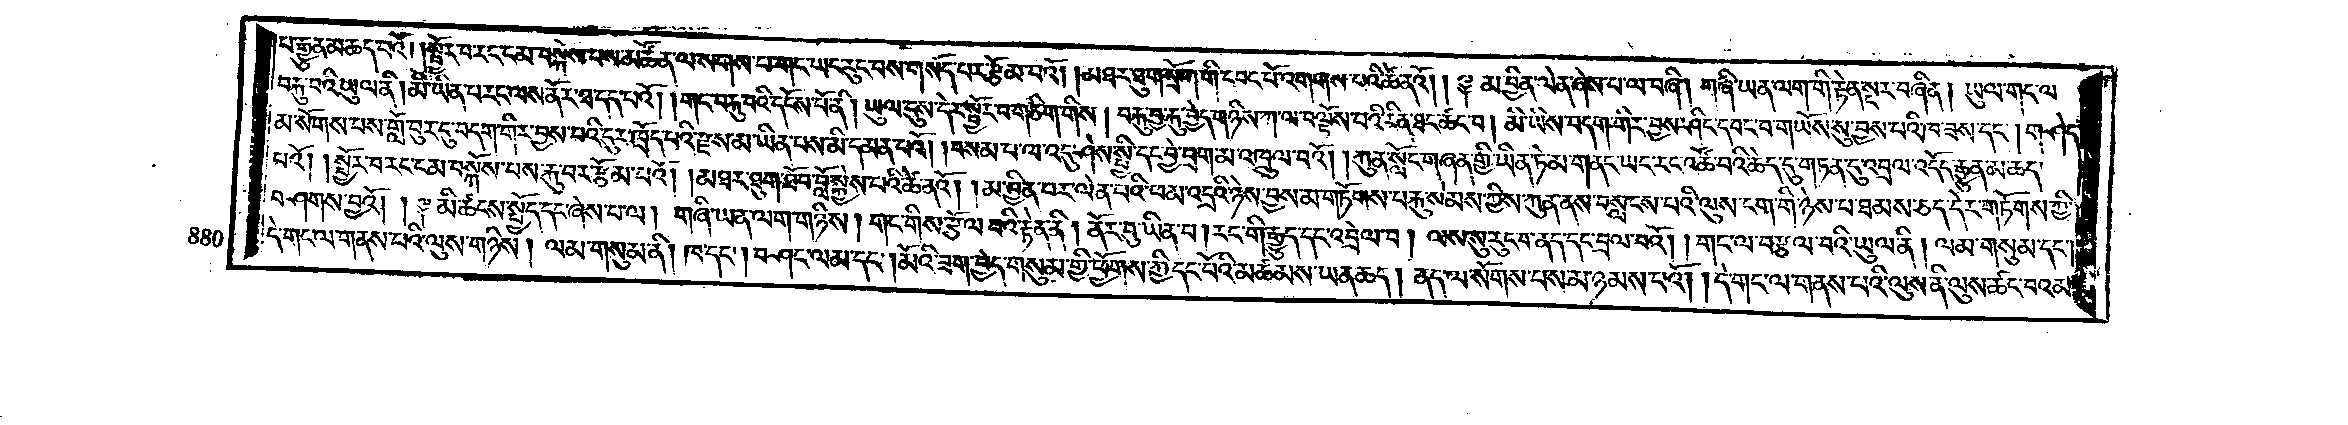པ་རྒྱུན་མ་ཆད་པའོ། །སྦྱོར་བ་རང་ངམ་བསྐོས་པས་མཚོན་ལ་སགས་པ་གང་ཡང་རུང་བས་གསོད་པར་རྩོམ་པའོ། །མཐར་ཐུག་སྲོག་གི་དབང་པོ་འགགས་པའི་ཚེ་ནའོ། ། ༈ མ་བྱིན་ལེན་ཞེས་པ་ལ་བཞི། གཞི་ཡན་ལག་གི་རྟེན་སྔར་བཞིན། ཡུལ་གང་ལ་
བརྐུ་བའི་ཡུལ་ནི། མི་ཡིན་པ་རང་ལས་ནོར་ཐ་དད་པའོ། །གང་བརྐུ་བའི་དངོས་པོ་ནི། ཡུལ་དུས་དེར་སྦྱོར་བ་གཅིག་གིས། བརྐུ་བྱ་རྐུ་བྱེད་གཉིས་ཀ་ལ་བལྟོས་པའི་རིན་ཐང་ཚང་བ། མི་ཡིས་བདག་གིར་བྱས་ཤིང་དབང་བ་གཡོས་སུ་བྱས་པའི་ཁ་ཟས་དང་། གཤེད་
མ་སོགས་པས་གློ་བུར་དུ་བདག་གིར་བྱས་པའི་དུར་ཁྲོད་པའི་རྫས་མ་ཡིན་པས་མི་དམན་པའོ། །བསམ་པ་ལ་འདུ་ཤེས་སྤྱི་དང་བྱེ་བྲག་མ་འཁྲུལ་བའོ། །ཀུན་སློང་གཞན་གྱི་ཡིན་ཏེ་མ་གནང་ཡང་རང་འཚོ་བའི་ཆེད་དུ་གཏན་དུ་འབྲལ་འདོད་རྒྱུན་མ་ཆད་
པའོ། །སྦྱོར་བ་རང་ངམ་བསྐོས་པས་རྐུ་བར་རྩོམ་པའོ། །མཐར་ཐུག་ཐོབ་བློ་སྐྱེས་པའི་ཚེ་ནའོ། །མ་བྱིན་པར་ལེན་པའི་ཕམ་འདྲའི་ཉེས་བྱས་མ་གཏོགས་པ་རྐུ་སེམས་ཀྱིས་ཀུན་ནས་བསླངས་པའི་ལུས་ངག་གི་ཉེས་པ་ཐམས་ཅད་དེར་གཏོགས་ཀྱི་
བཤགས་བྱའོ། ། ༈ མི་ཚངས་སྤྱོད་དང་ཞེས་པ་ལ། གཞི་ཡན་ལག་གཉིས། གང་གིས་རྩོལ་བའི་རྟེན་ནི། ནོར་བུ་ཡིན་པ། རང་གི་རྒྱུད་དང་འབྲེལ་བ། ལས་སུ་རུང་བ་ནད་དང་བྲལ་བའོ། །གང་ལ་བརྩལ་བའི་ཡུལ་ནི། ལམ་གསུམ་དང་།
དེ་གང་ལ་གནས་པའི་ལུས་གཉིས། ལམ་གསུམ་ནི། ཁ་དང་། བཤང་ལམ་དང་། མོའི་ཟག་བྱེད་གསུམ་གྱི་ཕྱོགས་ཀྱི་དང་པོའི་མཚམས་ཡན་ཆད། ནད་ལ་སོགས་པས་མ་ཉམས་པའོ། །དེ་གང་ལ་གནས་པའི་ལུས་ནི་ལུས་ཚང་བའམ་